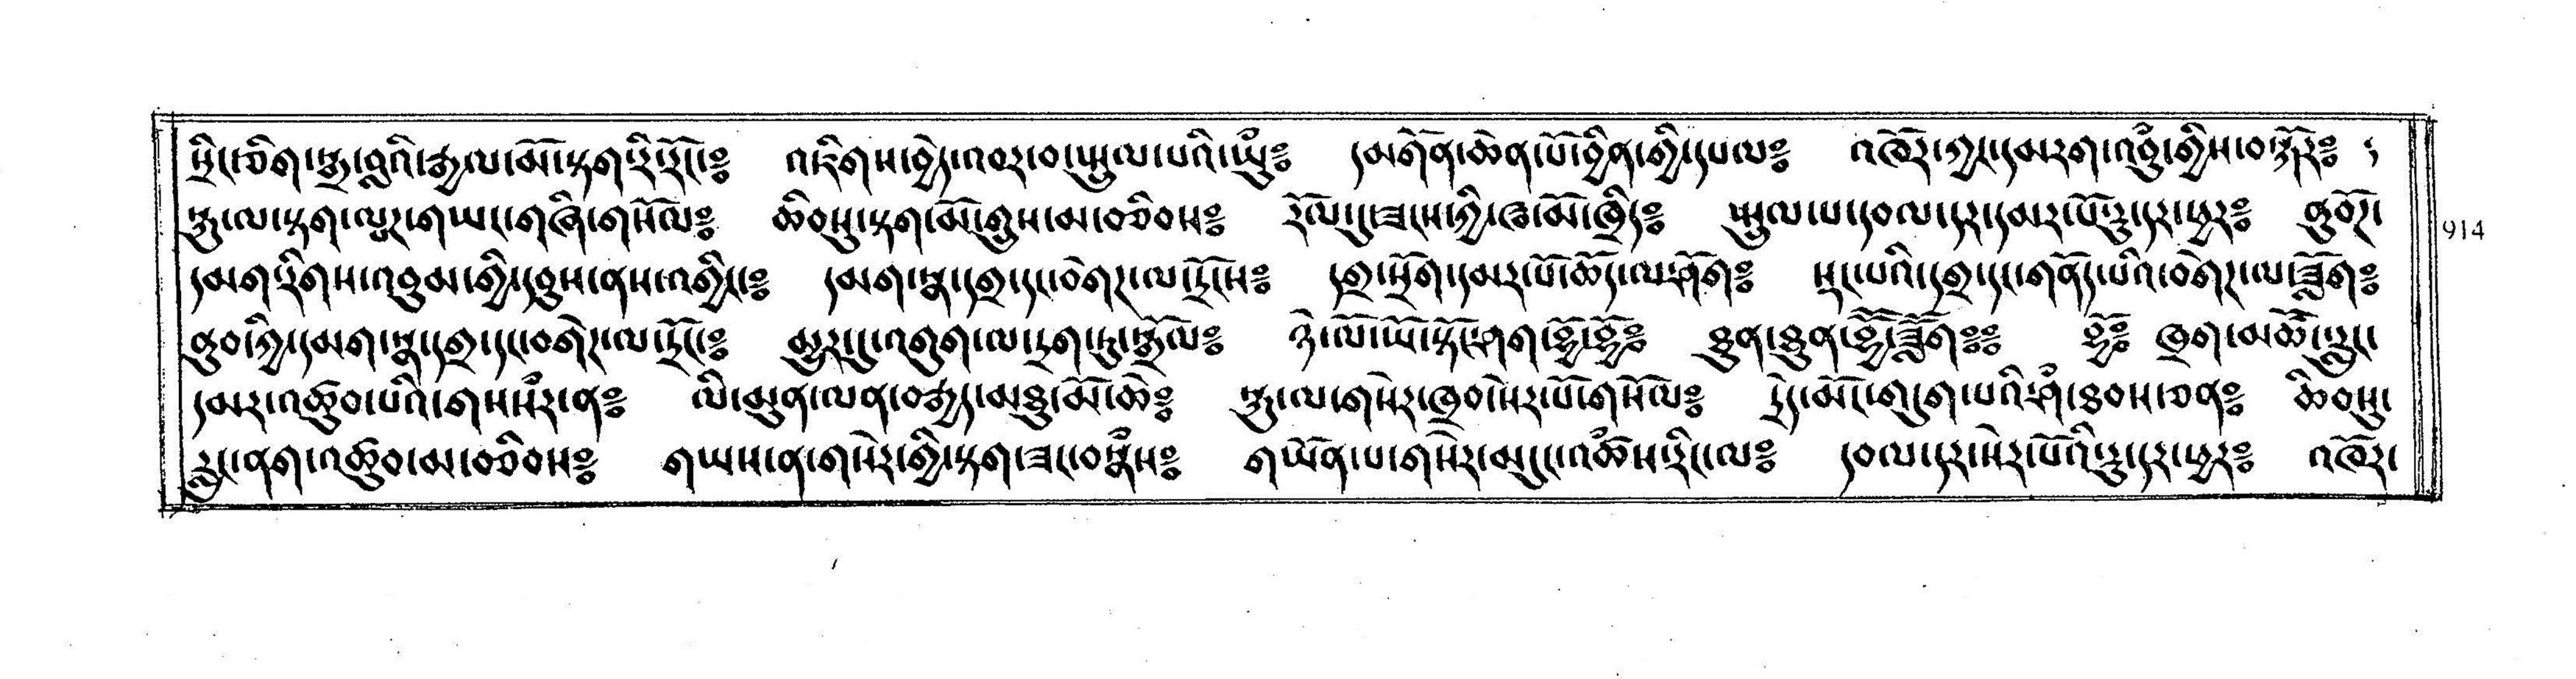སྲིང་ཅིག་སྒྲ་བླའི་རྒྱལ་མོ་སྟག་རི་རོང་༔ འཇིགས་བྱེད་འབར་བ་སྤྲུལ་པའི་ཡུམ༔ དམག་དཔོན་ཆེན་པོ་བྱིན་གྱི་དཔལ༔ འཁོར་ཀྱང་དམར་ནག་འབུམ་གྱིས་བསྐོར༔ 
སྐུ་ལ་སྟག་ལྤགས་གཡང་གཞི་གསོལ༔ ཆིབས་སུ་སྟག་མོ་གྲུས་མ་བཅིབས༔ རོལ་དུ་ཟངས་ཀྱི་ཝ་མོ་ཁྲིད༔ སྤྲུལ་པ་དབལ་དར་དམར་པོ་རུ་དར་ཕྱར༔ ནུབ་ཕྱོགས་
དམག་རིགས་འབུམ་གྱི་དབུས་ནས་འགྱིང་༔ དམག་སྣ་དགྲ་དང་བགེགས་ལ་དྲོངས༔ དགྲ་སྲོག་དམར་པོ་ཆོད་ལ་ཤོག༔ སྡང་པའི་དགྲ་དང་གནོད་པའི་བགེགས་ལ་ཟློག༔ 
ནུབ་ཀྱི་དམག་སྣ་དགྲ་དང་བགེགས་ལ་དྲོང་༔ མྱུར་དུ་འགུག་ལ་དྲག་ཏུ་སྒྲོལ༔ ཉེ་ལོ་ཡོ་སྟོང་ཤག་བྷྱོ་བྷྱོ༔ ཐུན་ཐུན་བྷྱོ་བྷྱོ་ཟློག་ཟློག༔༔ བྷྱོ༔ ཁྲག་མཚོ་རླུང་
དམར་འཚུབ་པའི་གསས་མཁར་ན༔ ལི་མུན་ལན་བརྒྱད་མཐུ་མོ་ཆེ༔ སྐུ་ལ་གསེར་ཁྲབ་སེར་པོ་གསོལ༔ དྲེད་མོང་གདུག་པའི་ཤམ་ཐབས་ཅན༔ ཆིབས་སུ་
རླུང་ནག་འཚུབ་མ་བཅིབས༔ གཡས་ན་གསེར་གྱི་སྟག་ཟང་བསྣམས༔ གཡོན་པ་གསེར་མདུང་འཚམས་རིང་ལ༔ དབལ་དར་སེར་པོའི་རུ་དར་ཕྱར༔ འཁོར་